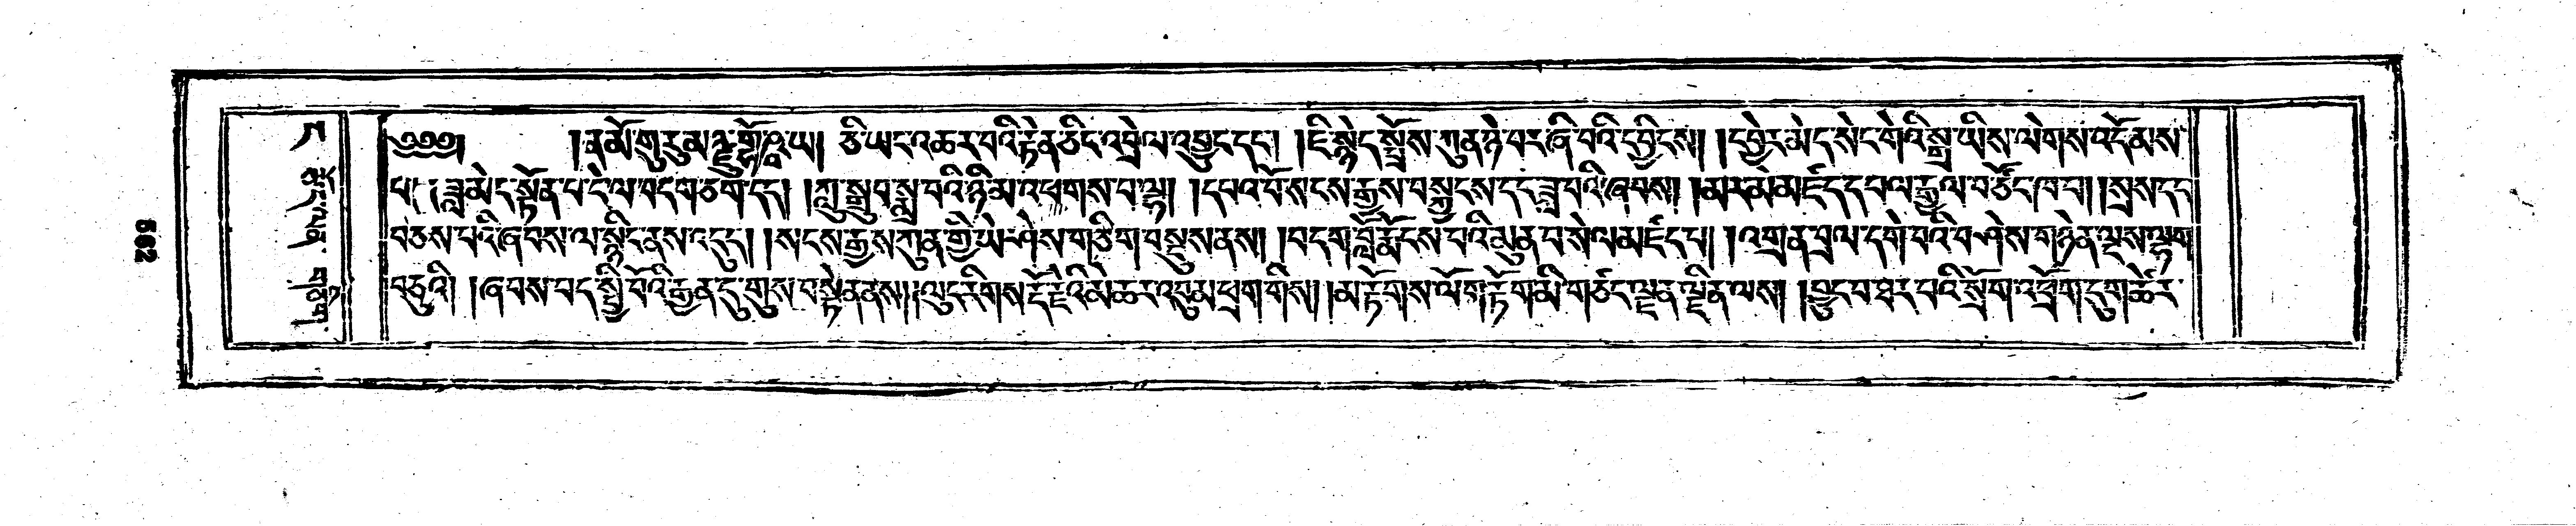༄༅༅། །ན་མོ་གུ་རུ་མཉྫུ་གྷོ་ཥཱ་ཡ། ཅི་ཡང་འཆར་བའི་རྟེན་ཅིང་འབྲེལ་འབྱུང་དང་། །ཇི་སྙེད་སྤྲོས་ཀུན་ཉེ་བར་ཞི་བའི་དབྱིངས། །དབྱེར་མེད་སེང་གེའི་སྒྲ་ཡིས་ལེགས་འདོམས་
པ། །ཟླ་མེད་སྟོན་པ་དེ་ལ་བདག་ཅག་དང་། །ཀླུ་སྒྲུབ་སྨྲ་བའི་ཉི་མ་འཕགས་པ་ལྷ། །དཔའ་བོ་སངས་རྒྱས་བསྐྱངས་དང་ཟླ་བའི་ཞབས། །མར་མེ་མཛད་དཔལ་རྒྱལ་བ་ཙོང་ཁ་པ། །སྲས་དང་
བཅས་པའི་ཞབས་ལ་སྙིང་ནས་འདུད། །སངས་རྒྱས་ཀུན་གྱི་ཡེ་ཤེས་གཅིག་བསྡུས་ནས། །བདག་བློ་རྨོངས་པའི་མུན་པ་སེལ་མཛད་པ། །འགྲན་བྲལ་དགེ་བའི་བཤེས་གཉེན་ལས་ལྷག་
བཅུའི། །ཞབས་པད་སྤྱི་བོའི་རྒྱན་དུ་གུས་བསྟེན་ནས། །ལུང་རིགས་རྡོ་རྗེའི་མེ་ཆར་འབུམ་ཕྲག་གིས། །མ་རྟོགས་ལོག་རྟོག་མི་གཙང་ལྗན་ལྗིན་ལས། །བྱུང་བ་ཐར་པའི་སྲོག་འཕྲོག་དུག་ཚེར་